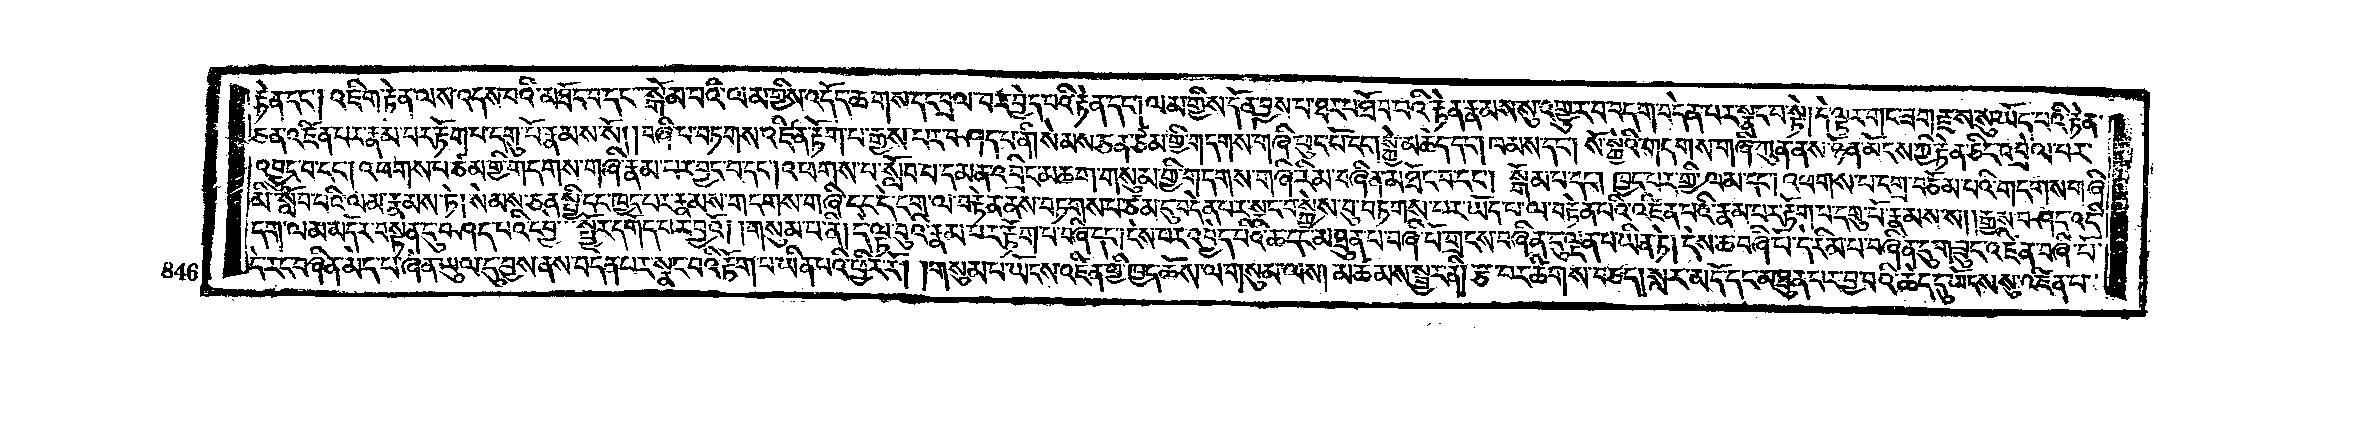རྟེན་དང་། འཇིག་རྟེན་ལས་འདས་པའི་མཐོང་བ་དང་སྒོམ་པའི་ལམ་གྱིས་འདོད་ཆགས་དང་བྲལ་བར་བྱེད་པའི་རྟེན་དང་། ལམ་གྱིས་དོན་བྱས་པ་ཐར་པ་ཐོབ་པའི་རྟེན་རྣམས་སུ་འགྱུར་བ་བདག་བདེན་པར་སྣང་བ་སྟེ། དེ་ལྟར་གང་ཟག་རྫས་སུ་ཡོད་པའི་རྟེན་
ཅན་འཛིན་པར་རྣམ་པར་རྟོག་པ་དགུ་པོ་རྣམས་སོ། །བཞི་པ་བཏགས་འཛིན་རྟོག་པ་རྒྱས་པར་བཤད་པ་ནི། སེམས་ཅན་ཙམ་གྱི་གདགས་གཞི་ཕུང་པོ་དང་། སྐྱེ་མཆེད་དང་། ཁམས་དང་། སོ་སྐྱེའི་གདགས་གཞི་ཀུན་ནས་ཉོན་མོངས་ཀྱི་རྟེན་ཅིང་འབྲེལ་པར་
འབྱུང་བ་དང་། འཕགས་པ་ཙམ་གྱི་གདགས་གཞི་རྣམ་པར་བྱང་བ་དང་། འཕགས་པ་སློབ་པ་དམན་འབྲིང་མཆག་གསུམ་གྱི་གདགས་གཞི་རིམ་བཞིན་མཐོང་བ་དང་། སྒོམ་པ་དང་། ཁྱད་པར་གྱི་ལམ་དང་། འཕགས་པ་དགྲ་བཅོམ་པའི་གདགས་གཞི་
མི་སློབ་པའི་ལམ་རྣམས་ཏེ། སེམས་ཅན་སྤྱི་དང་ཁྱད་པར་རྣམས་གདགས་གཞི་དང་དེ་དགྲ་ལ་བརྟེན་ནས་བཏགས་པ་ཙམ་དུ་བདེན་པར་སྣང་བ་སྐྱེས་བུ་བཏགས་པར་ཡོད་པ་ལ་བརྟེན་པའི་འཛིན་པའི་རྣམ་པར་རྟོག་པ་དགུ་པོ་རྣམས་སོ། །རྒྱས་བཤད་འདི་
དག་ལམ་མདོར་བསྟན་དུ་བཤད་པའི་དབྱེ་སྦྱོར་དགོད་པར་བྱའོ། །གསུམ་པ་ནི། དེ་ལྟ་བུའི་རྣམ་པར་རྟོག་པ་བཞི་དང་། ངེས་པར་འབྱེད་པའི་ཆ་དང་མཐུན་པ་བཞི་པོ་གྲངས་བཞིན་དུ་ལྡན་པ་ཡིན་ཏེ། དེས་ཆ་བཞི་པོ་དེ་རིམ་པ་བཞིན་དུ་གཟུང་འཛིན་བཞི་པོ་
དེ་རང་བཞིན་མེད་པ་ཞེན་ཡུལ་དུ་བྱས་ནས་བདེན་པར་སྣང་བའི་རྟོག་པ་ཡིན་པའི་ཕྱིར་རོ། །གསུམ་པ་ཡོངས་འཛིན་གྱི་ཁྱད་ཆོས་ལ་གསུམ་ལས། མཚམས་སྦྱར་ནི། རྩ་བར་ཚིགས་བཅད། སླར་མདོ་དང་མཐུན་པར་བྱ་བའི་ཆེད་དུ་ཡོངས་སུ་འཛིན་པ་